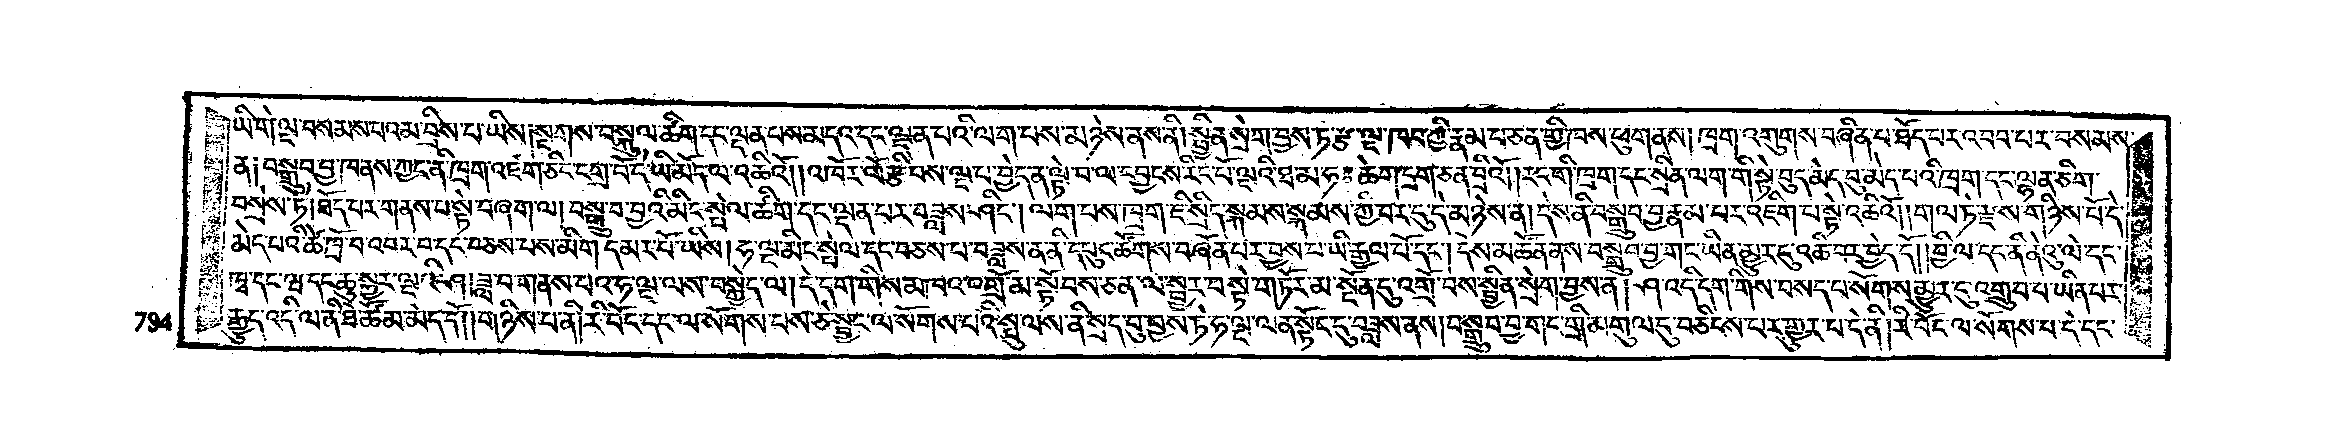ཡི་གེ་ལྔ་བསམས་པའམ་བྲིས་པ་ཡིས། སྔགས་བསྐུལ་ཚིག་དང་ལྡན་པས་མདའ་དང་ལྡན་པའི་ལག་པས་མཉེས་ནས་ནི། སྦྱིན་སྲེག་བྱས་ཏེ་རྩ་ལྔ་ཁབ་ཀྱི་རྣམ་པ་ཅན་གྱི་ཁས་ཕུག་ནས། ཁྲག་འགུགས་བཞིན་པ་ཐོད་པར་འབབ་པར་བསམས་ན། བསྒྲུབ་བྱ་ཁ་ནས་ཀྱང་ནི་ཁྲག་འཛག་ཅིང་དགྲ་བོ་དེ་ཡི་མོད་ལ་འཆིའོ། །འཁོར་ལོ་རྩིབས་ལྔ་པ་བྱེད་ན་ལྟེ་བ་ལ་དབྱངས་རིང་པོ་ལྔའི་ཐ་མ་ཧཿ ཆེག་དྲག་ཅན་བྲིའོ། །རང་གི་ཁྲག་དང་སྲིན་ལག་གི་སྟེ་བུད་མེད་བུ་མེད་པའི་ཁྲག་དང་ལྷན་ཅིག་
བསྲེས་ཏེ། ཐོད་པར་གནས་པ་སྟེ་བཞག་ལ། བསྒྲུབ་བྱའི་མིང་སྤེལ་ཚིག་དང་ལྡན་པར་བཟླས་ཤིང་། ལག་པས་ཁྲག་ཇི་སྲིད་སྐམས་སྐམས་ཀྱི་བར་དུ་དེ་མཉེས་ན། དེས་ནི་བསྒྲུབ་བྱ་རྣམ་པར་འཇིག་པ་སྟེ་འཆིའོ། །གལ་ཏེ་རྫས་གཉིས་པོ་དེ་
མེད་པའི་ཚེ་ཁྲོ་བ་འབར་བ་དང་བཅས་པས་མིག་དམར་པོ་ཡིས། ཧ་ལྔ་མིང་སྤེལ་དང་བཅས་པ་བཟླས་ན་ནི་དཔུང་ཚོགས་བཞོན་པར་བྱས་པ་ཡི་རྒྱལ་པོ་དང་། དེས་མཚོན་ནས་བསྒྲུབ་བྱ་གང་ཡིན་མྱུར་དུ་འཆི་བར་བྱེད་དོ། །བྱི་ལ་དང་ནི་ནེའུ་ལེ་དང་
ཁྭ་དང་ཝ་དང་ཆུ་སྐྱར་ལྔའི་ཤ། ཟླ་བ་གནས་པའི་ཧ་ལྔ་ལས་བསྐྱེད་ལ། དེ་དག་གིས་མཁའ་འགྲོ་མ་སྟོབས་ཅན་ལ་སྦྱར་བ་སྟེ་གཏོར་མ་སྔོན་དུ་འགྲོ་བས་སྦྱིན་སྲེག་བྱས་ན། ཤ་འདི་དག་གིས་བསད་པ་སོགས་མྱུར་དུ་འགྲུབ་པ་ཡིན་པར་
རྒྱུད་འདི་ལ་ནི་ཐེ་ཚོམ་མེད་དོ། །གཉིས་པ་ནི། རི་བོང་དང་ལ་སོགས་པས་ཅེ་སྦྱང་ལ་སོགས་པའི་སྤུ་ལས་ནི་སྲད་བུ་བྱས་ཏེ་ཧ་ལྔ་ལན་སྟོང་དུ་བཟླས་ནས། བསྒྲུབ་བྱ་གང་གི་མགུལ་དུ་བཅིངས་པར་གྱུར་པ་དེ་ནི། རི་བོང་ལ་སོགས་པ་དེ་དང་